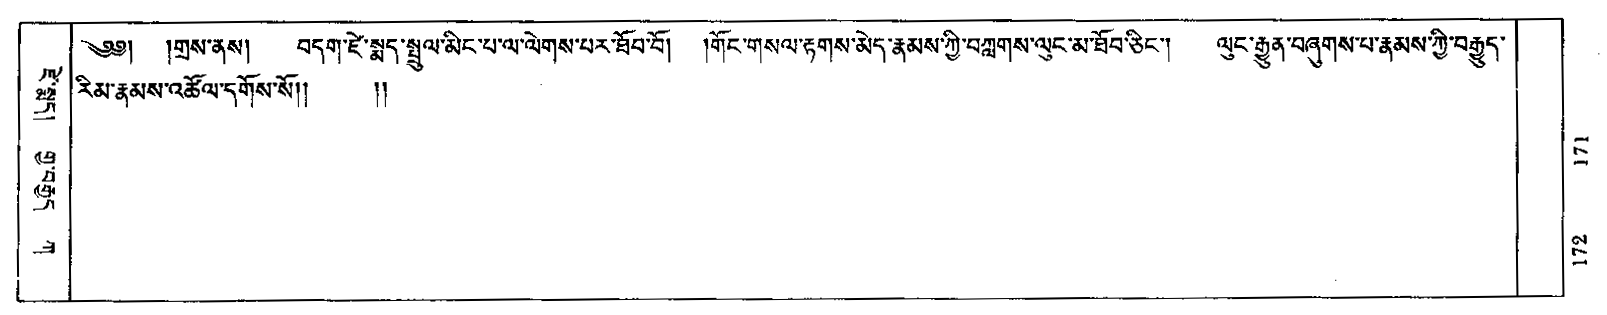༄༅། །གྲས་ནས། བདག་ཛེ་སྨད་སྤྲུལ་མིང་པ་ལ་ལེགས་པར་ཐོབ་བོ། །གོང་གསལ་རྟགས་མེད་རྣམས་ཀྱི་བཀླགས་ལུང་མ་ཐོབ་ཅིང་། ལུང་རྒྱུན་བཞུགས་པ་རྣམས་ཀྱི་བརྒྱུད་
རིམ་རྣམས་འཚོལ་དགོས་སོ།། །།